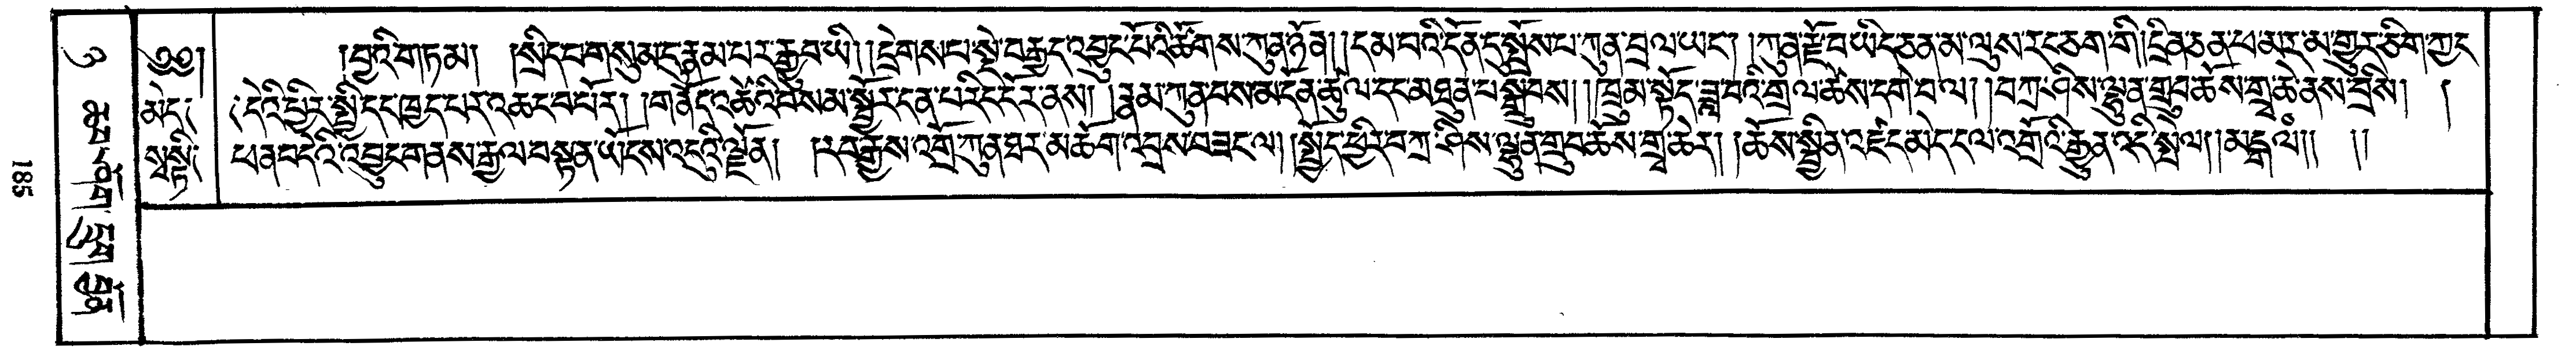༄༅། །བྱའི་གཏམ། །སྲིད་པ་གསུམ་དུ་རྣམ་པར་རྒྱུ་བ་ཡི། །དྲེགས་ཕ་སྡེ་བརྒྱད་འབྱུང་པོའི་ཚོགས་ཀུན་ཉོན། །དམ་པའི་དོན་དུ་སྤྲོས་པ་ཀུན་བྲལ་ཡང་། །ཀུན་རྫོབ་ཡིད་ཅན་མ་ལུས་རང་ཅག་གི། དྲིན་ཅན་ཕ་མར་མ་གྱུར་ཅིག་ཀྱང་
མེད༑ ༑དེའི་ཕྱིར་སྤྱི་དང་ཁྱད་པར་འཆང་བ་པོར། །གནོད་འཚེའི་བསམ་སྦྱོར་ངན་པ་རིང་དོར་ནས། །རྣམ་ཀུན་བསམ་དོན་ཚུལ་དང་མཐུན་པ་སྒྲུབས། །ཁྲུམས་སྟོད་ཟླ་བའི་གྲལ་ཚེས་དགེ་བ་ལ། །བཀྲ་ཤིས་ལྷུན་གྲུབ་ཆོས་གྲྭ་ཆེ་ནས་བྲིས། །
སྭསྟི༑ ཕན་བདེའི་འབྱུང་གནས་རྒྱལ་བསྟན་ཡོངས་འདུའི་ལྗོན། །རབ་རྒྱས་འགྲོ་ཀུན་ཐར་མཆོག་འབྲས་བཟང་ལ། །སྤྱོད་ཕྱིར་བཀྲ་ཤིས་ལྷུན་གྲུབ་ཆོས་གྲྭ་ཆེར། །ཆོས་སྦྱིན་འཛད་མེད་དལ་འགྲོའི་རྒྱུན་འདི་སྦེལ། །མངྒ་ལཾ།། །།